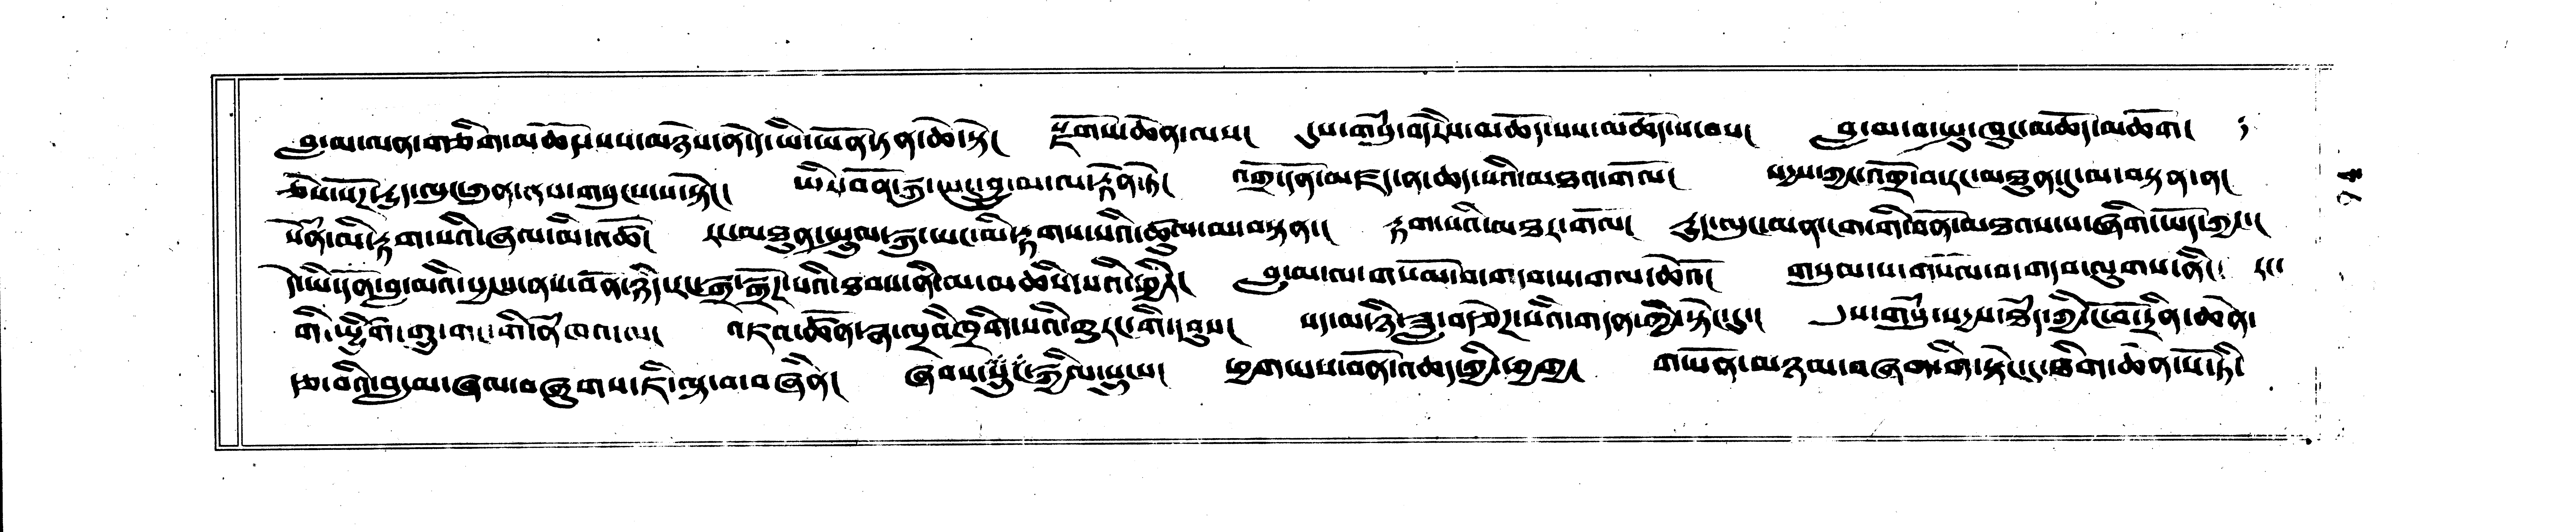བླ་མ་ལན་གཅིག་མཆོད་པས་མཉེས་ན་དེ་ཡི་ཡོན་ཏན་ཆེ་སྟེ། རྫོགས་ཆེན་ལས། དུས་གསུམ་བདེར་གཤེགས་མཆོད་པས་མཆོད་པ་བས། བླ་མ་བ་སྤུ་ཁུངས་མཆོད་མཆོག 
ཅེས་སོགས་རྒྱུད་ལུང་ཀུན་ནས་གསུངས་པ་སྟེ། སྤྱིར་བོན་སྐུ་ཡང་བླ་མ་ལ་བརྟེན་ཏེ། འགྲོ་དོན་མཛད་ན་ཆད་པའི་མཐའ་གོལ། སངས་རྒྱས་ཀྱང་འགྲོ་བ་རང་མཐུན་དུ་མ་བསྟན་ན།
 སེམས་ཅན་མི་རྟག་པའི་ཞལ་མི་འཚོ། རང་མཐུན་སྤྲུལ་སྐུ་ཡང་མི་རྟག་པའི་ཚུལ་མ་བསྟན། རྟག་པའི་མཐར་གོལ། རྒྱུད་ལུང་མན་ངག་གི་བོན་མཐའ་ཡས་པ་ཞིག་ཡོད་ཀྱང་། 
དེ་ཡི་དོན་བླ་མས་གསུངས་ནས་བོན་ཉིད་རང་སྒྲ་སྒྲོགས་པའི་ཐབས་ནི་མཆིས་པའི་ཕྱིར། བླ་མ་ལ་གསོལ་བ་གདབ་པ་གལ་ཆེའོ། །གསུམ་པ་གསོལ་བ་གདབ་ལུགས་ནི། རང་
གི་སྤྱི་གཙུག་ཁྲུ་གང་གི་ནམ་མཁའ་ལ། འཇའ་ཚོན་སྣ་ལྔས་འཁྲིགས་པའི་གུར་ཁང་གི་དབུས། པདྨ་ཉི་ཟླ་བརྩེགས་པའི་གདན་གྱི་སྟེང་དུ། དུས་གསུམ་སངས་རྒྱས་ཐམས་ཅད་ཀྱི་ངོ་བོ་དྲིན་ཅན་
རྩ་བའི་བླ་མ་ཞལ་བཞུགས་ཇི་ལྟ་བ་བཞིན། ཞབས་སྐྱིལ་དཀྲུང་། ཕྱག་གཡས་བོན་འཆད་ཀྱི་ཕྱག་རྒྱ། གཡོན་མཉམ་གཞག་གི་སྟེང་དུ་ཐེག་ཆེན་པོ་ཏི་